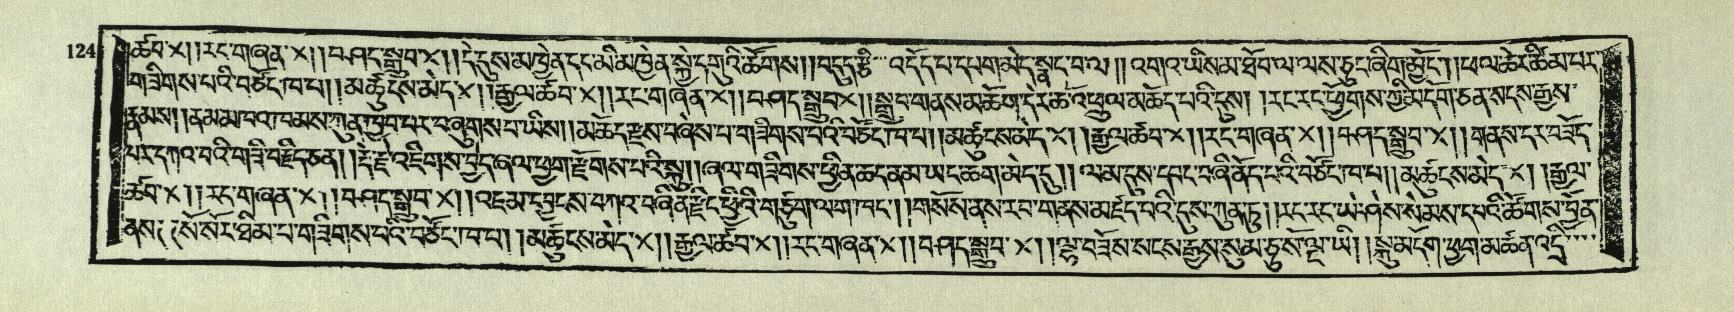ཚབ་྾། །རང་གཞན་྾། །བཤད་སྒྲུབ་྾། །དེ་དུས་མཁྱེན་དང་མི་མཁྱེན་སྐྱེ་དགུའི་ཚོགས། །བདུད་རྩི་འདོད་པ་དཔག་མེད་སྣང་བ་ལ། །འགའ་ཡིས་མ་ཐོབ་ལ་ལས་ཅུང་ཞིག་མྱོང་། །ཕལ་ཆེར་ཚིམ་པར་
གཟིགས་པའི་བཙོང་ཁ་པ། །མཚུངས་མེད་྾། །རྒྱལ་ཚབ་྾། །རང་གཞན་྾། །བཤད་སྒྲུབ་྾། །སྒྲུབ་གནས་མཆོག་དེར་ཆོ་འཕྲུལ་མཆོད་པའི་དུས། །རང་རང་ཕྱོགས་ཀྱི་མདོག་ཅན་སངས་རྒྱས་
རྣམས། །ནམ་མཁའ་ཁམས་ཀུན་ཁྱབ་པར་བཞུགས་པ་ཡིས། །མཆོད་རྫས་བཞེས་པ་གཟིགས་པའི་བཙོང་ཁ་པ། །མཚུངས་མེད་྾། །རྒྱལ་ཚབ་྾། །རང་གཞན་྾། །བཤད་སྒྲུབ་྾། །གནས་དར་བཟོད་
པར་དཀའ་བའི་གཟི་བརྗིད་ཅན། །རྡོ་རྗེ་འཇིགས་བྱེད་ཞལ་ཕྱག་རྫོགས་པའི་སྐུ། །ཞལ་གཟིགས་ཕྱིན་ཆད་ནམ་ཡང་ཆག་མེད་དུ། །ལམ་དུས་དབང་བཞི་ནོད་པའི་བཙོང་ཁ་པ། །མཚུངས་མེད་྾། །རྒྱལ་
ཚབ་྾། །རང་གཞན་྾། །བཤད་སྒྲུབ་྾། །འཇམ་དབྱངས་བཀའ་བཞིན་རྫིང་ཕྱིའི་གཙུག་ལག་ཁང་། །གསོས་ནས་རབ་གནས་མཛད་པའི་དུས་ཀུན་ཏུ། །རང་རང་ཡེ་ཤེས་སེམས་དཔའི་ཚོགས་བྱོན་
ནས༑ ༑སོ་སོར་ཐིམ་པ་གཟིགས་པའི་བཙོང་ཁ་པ། །མཚུངས་མེད་྾། །རྒྱལ་ཚབ་྾། །རང་གཞན་྾། །བཤད་སྒྲུབ་྾། །ལྷ་བཟོས་སངས་རྒྱས་སུམ་ཅུ་སོ་ལྔ་ཡི། །སྐུ་མདོག་ཕྱག་མཚན་འདྲི་